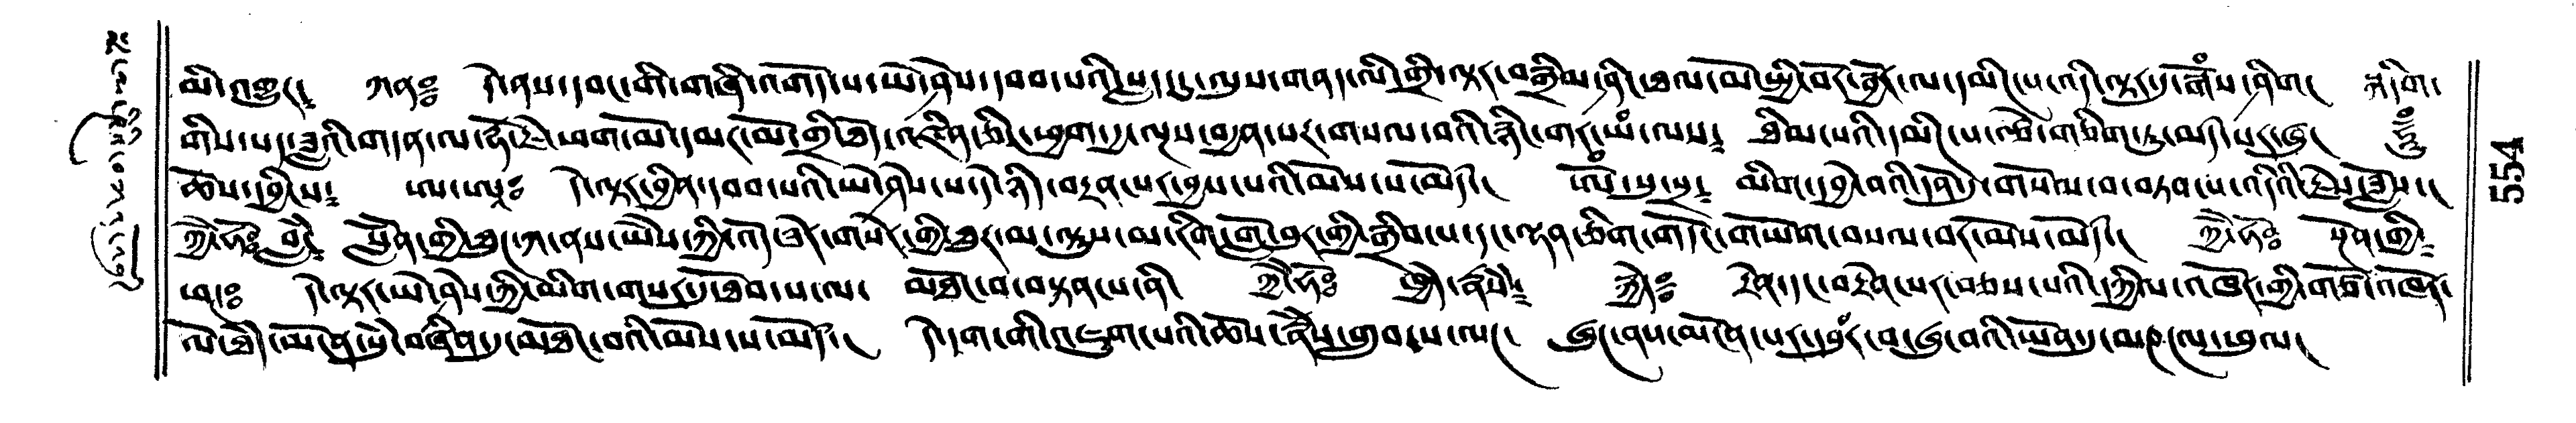མི་འགྱུར༴ ཀན༔ དེ་ནས་དབང་གི་གཞི་འགོད་པ་ཡེ་ཤེས་དབབ་པའི་སླད་དུ་ལུས་གནས་ལི་གྲི་ལྟར་བསྒྲིམ་ཤིང་ཐལ་མོ་སྤྱི་བོར་སྦྱོར་ལ་དམིགས་པ་འདི་ལྟར་དུ་སྒོམས་ཤིག སྐད་ཅིག་
གིས་པད་ཟླའི་གདན་ལ་རྡོ་རྗེ་ཕག་མོ་དམར་མོ་གྲི་ཐོད་འཛིན་ཅིང་ཕྱག་རྒྱ་ལྔས་བརྒྱན་པར་གསལ་བའི་སྙིང་གར་ཡཾ་ལས༴ ཐིམ་པའི་དམིགས་པ་རྩེ་གཅིག་ཏུ་མཛད་པར་ཞུ། ཧཱུྃ༔
ཆོས་དབྱིངས༴ ཨ་ཨཱཿ དེ་ལྟར་བྱིན་དབབ་པའི་ཡེ་ཤེས་པ་དེ་ཉིད་བརྟན་པར་བྱས་པའི་མོས་པ་མཛོད། ཨོཾ་སུ་པྲ༴ མིག་དབྱེ་བའི་དོན་དུ་གསོལ་བ་བཏབ་པ་འདིའི་རྗེས་ཟློས།
ཀྱཻ་ཧོཿ བླ་མ༴ སློབ་དཔོན་གྱི་ཐུགས་ཀ་ནས་ཡེ་ཤེས་ཀྱི་འོད་ཟེར་གསེར་གྱི་ཐུར་མ་ལྟ་བུས་མ་རིག་གློ་བུར་གྱི་སྒྲིབ་པ་དང་ལྷན་ཅིག་གདོང་གཡོགས་བསལ་བར་མོས་མཛོད། ཀྱཻ་ཧོཿ སྔོན་གྱི༴ 
ཕཊཿ དེ་ལྟར་ཡེ་ཤེས་ཀྱི་མིག་གསར་དུ་ཐོབ་པ་ལ། མཐོང་བ་བསྟན་པ་ནི། ཀྱཻ་ཧོཿ ཁྱེད་རྣམས༴ རྟེན་དང་བརྟེན་པར་བཅས་པའི་དཀྱིལ་འཁོར་གྱི་གཙོ་འཁོར་
ཐམས་ཅད་མངོན་སུམ་བཞིན་དུ་མཐོང་བའི་མོས་པ་མཛོད། དེ་དག་གི་འཇུག་པའི་ཆོས་རྣམས་གྲུབ་པ་ལགས།ཞུགས་ནས་མངོན་པར་དབང་བསྐུར་བ་ཞུ་བའི་ཡོན་ཏུ་མཎྜལ་ཕུལ།